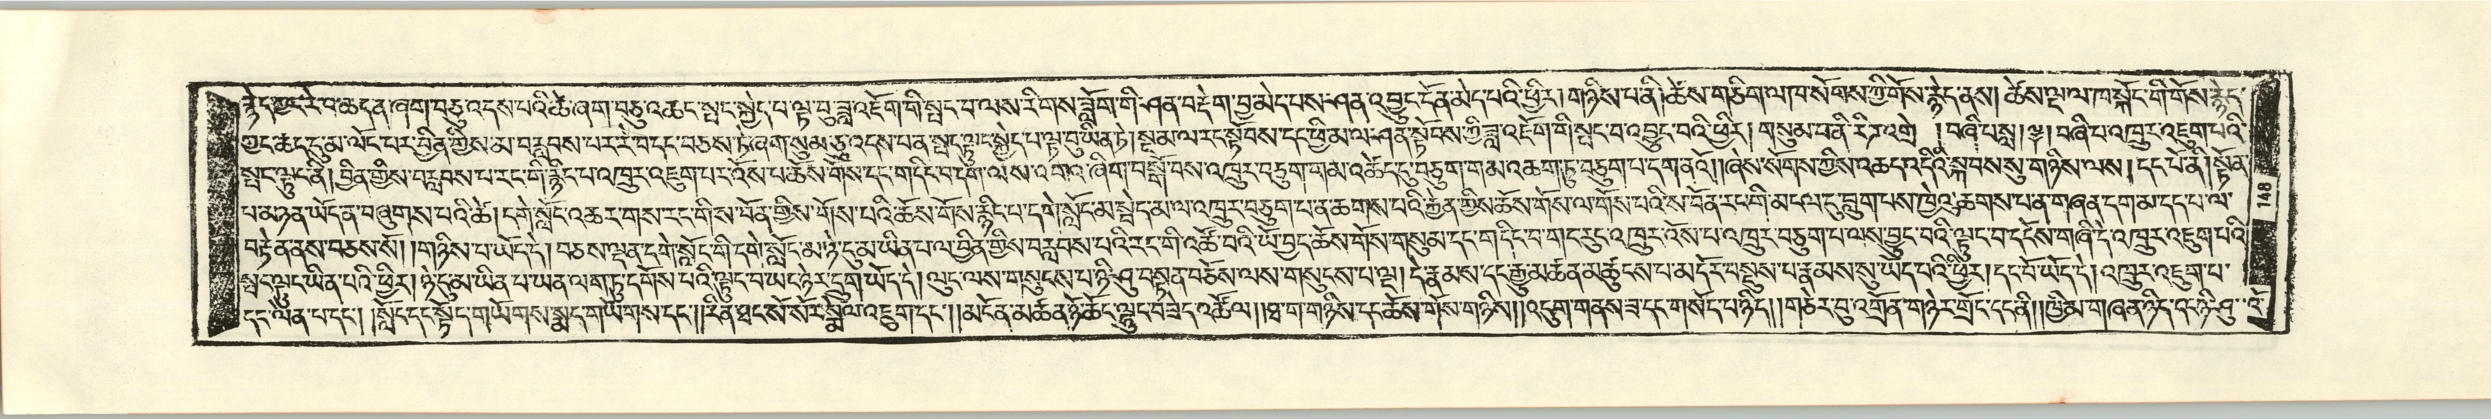རྙེད་ཀྱང་རེ་བ་ཆད་ན་ཞག་བཅུ་འདས་པའི་ཚེ་ཞག་བཅུ་འཆང་སྤང་སྐྱེད་པ་ལྟ་བུ་ཟླ་འཇོག་གི་སྤང་བ་ལས་རིགས་ཟློག་གི་ཤན་བརྡེག་བྱ་མེད་པས་ཤན་འབྱུང་དོན་མེད་པའི་ཕྱིར། གཉིས་པ་ནི། ཚེས་གཅིག་ལ་ཁ་སོགས་ཀྱི་གོས་རྙེད་ནས། ཚེས་ལྔ་ལ་ཁ་སྐོང་གི་གོས་རྙེད་
ཀྱང་ཚད་དུ་མ་ལོང་པར་བྱིན་གྱིས་མ་བརླབས་པར་རེ་བ་དང་བཅས་ཏེ་ཞག་སུམ་ཅུ་འདས་པ་ན་སྤང་ལྟུང་སྐྱེད་པ་ལྟ་བུ་ཡིན་ཏེ། སྔ་མ་ལ་རང་སྟོབས་དང་ཕྱི་མ་ལ་ཤན་སྟོབས་ཀྱི་ཟླ་འཇོག་གི་སྤང་བ་འབྱུང་བའི་ཕྱིར། གསུམ་པ་ནི་རིགས་འགྲེ་།བཞི་པ་སླ། ༈ །བཞི་པ་འཁྲུར་འཇུག་པའི་
སྤང་ལྟུང་ནི། བྱིན་གྱིས་བརླབས་པ་རང་གི་རྙིང་པ་འཁྲུར་འཇུག་པར་འོས་པ་ཆོས་གོས་དང་གདིང་བ་དག་ལས་འགའ་ཞིག་བསྒོ་བས་འཁྲུར་བཅུག་གམ་འཚེད་དུ་བཅུག་གམ་འཆག་ཏུ་བཅུག་པ་དག་ནའོ། །ཞེས་སོགས་ཀྱིས་འཆད་འདིའི་སྐབས་སུ་གཉིས་ལས། དང་པོ་ནི། སྟོན་
པ་མཉན་ཡོད་ན་བཞུགས་པའི་ཚེ། དགེ་སློང་འཆར་གས་རང་གི་ས་བོན་གྱིས་གོས་པའི་ཆོས་གོས་རྙིང་པ་དགེ་སློང་མ་སྤེད་མ་ལ་འཁྲུར་བཅུག་པ་ན་ཆགས་པའི་རྐྱེན་གྱིས་ཆོས་གོས་ལ་གོས་པའི་ས་བོན་རང་གི་མངལ་དུ་བླུག་པས་ཁྱེའུ་ཆགས་པ་ན་གཞན་དག་མ་དད་པ་ལ་
བརྟེན་ནས་བཅས་སོ། །གཉིས་པ་ཡོད་དེ། བཅས་ལྡན་དགེ་སློང་གི་དགེ་སློང་མ་ཉེ་དུ་མ་ཡིན་པ་ལ་བྱིན་གྱིས་བརླབས་པའི་རང་གི་འཚོ་བའི་ཡོ་བྱད་ཆོས་གོས་གསུམ་དང་གདིང་བ་གང་རུང་འཁྲུར་འོས་པ་འཁྲུར་བཅུག་པ་ལས་བྱུང་བའི་ལྟུང་བ་དངོས་གཞི་དེ་འཁྲུར་འཇུག་པའི་
སྤང་ལྟུང་ཡིན་པའི་ཕྱིར། ཉེ་དུ་མ་ཡིན་པ་ཡན་ལག་ཏུ་དགོས་པའི་ལྟུང་བ་ཡང་ཉེར་དྲུག་ཡོད་དེ། ལུང་ལས་གསུངས་པ་ཉི་ཤུ་བསྟན་བཅོས་ལས་གསུངས་པ་ལྔ། དེ་རྣམས་དང་རྒྱུ་མཚན་མཚུངས་པ་མདོར་བསྡུས་པ་རྣམས་སུ་ཡོད་པའི་ཕྱིར། དང་པོ་ཡོད་དེ། འཁྲུར་འཇུག་པ་
དང་ལེན་པ་དང་། །སློང་དང་སྟོད་གཡོགས་སྨད་གཡོགས་དང་། །རིན་ཐང་སོ་སོར་སྨེལ་འཇུག་དང་། །མངོན་མཚན་ཉོ་ཆོང་ལྷུང་བཟེད་འཚོལ། །ཐ་ག་གཉིས་དང་ཆོས་གོས་གཉིས། །འདུག་གནས་ཟ་དང་གསོད་པ་ཉིད། །གཅེར་བུ་འགྲོན་གཉེར་གྲོང་དང་ནི། །ཁྱིམ་གཞན་ཉིད་དང་ཉི་ཤུ་འོ་